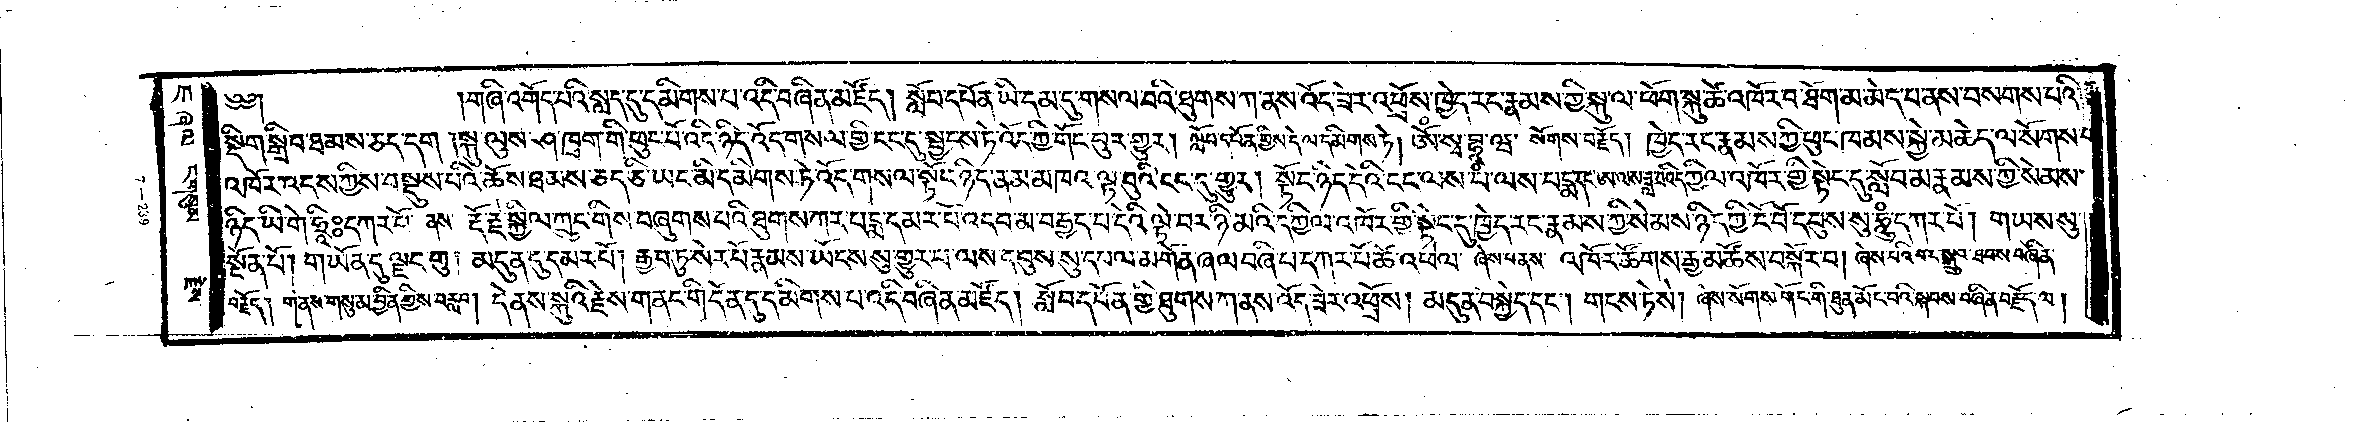༄༅། །གཞི་འགོད་པའི་སླད་དུ་དམིགས་པ་འདི་བཞིན་མཛོད། སློབ་དཔོན་ཡིད་དམ་དུ་གསལ་བའི་ཐུགས་ཀ་ནས་འོད་ཟེར་འཕྲོས་ཁྱེད་རང་རྣམས་ཀྱི་སྐུ་ལ་ཕོག་སྐུ་ཚེ་འཁོར་བ་ཐོག་མ་མེད་བ་ནས་བསགས་པའི་
སྡིག་སྒྲིབ་ཐམས་ཅད་དག །སྐུ་ལུས་ཤ་ཁྲག་གི་ཕུང་བོ་འདི་ཉིད་འོད་གསལ་གྱི་ནང་དུ་སྦྱངས་ཏེ་འོད་ཀྱི་གོང་བུར་གྱུར། སློབ་དཔོན་གྱིས་དེ་ལ་དམིགས་ཏེ།  ཨོཾ་སྭ་བྷཱ་ཝ་སོགས་བརྗོད།  ཁྱེད་རང་རྣམས་ཀྱི་ཕུང་ཁམས་སྐྱེ་མཆེད་ལ་སོགས་
འཁོར་འདས་ཀྱིས་བསྡུས་བའི་ཆོས་ཐམས་ཅད་ཅི་ཡང་མི་དམིགས་ཏེ་འོད་གསལ་སྟོང་ཉིད་ནམ་མཁའ་ལྟ་བུའི་ངང་བུ་གྱུར། སྟོང་ཉིད་དེའི་ངང་ལས་པཾ་ལས་པདམ་དང་ཨ་ལས་ཟླ་བ་འདི་དཀྱིལ་འཁོར་གྱི་སྟེང་དུ་སློབ་མ་རྣམས་ཀྱི་སེམས་
ཉིད་ཡི་གེ་ཧཱིཿདགར་པོནས་རྡོ་རྗེ་སྐྱིལ་ཀྲུང་གིས་བཞུགས་པའི་ཐུགས་ཀར་པདམ་དམར་པོ་འདབ་མ་བརྒྱད་པ་དེའི་ལྟེ་བར་ཉི་མའི་དཀྱིལ་འཁོར་གྱི་སྟེང་དུ་ཁྱེད་རང་རྣམས་ཀྱི་སེམས་ཉིད་ཀྱི་ངོ་བོ་དབུས་སུ་ཧཱུཾ་དཀར་པོ། གཡས་སུ་
སྔོན་པོ། གཡོན་དུ་ལྗང་གུ༑ མདུན་དུ་དམར་པོ། རྒྱབ་ཏུ་སེར་པོ་རྣམས་ཡོངས་སུ་གྱུར་བ་ལས་དབུས་སུ་དཔལ་མགོན་ཞལ་བཞི་བ་དཀར་པོ་ཚེ་འཕེལ་ཞེས་བ་ནས། འཁོར་ཚོགས་རྒྱ་མཚོས་བསྐོར་བ། ཞེས་པའི་བར་སྒྲུབ་ཐབས་བཞིན་
བརྗོད། གནས་གསུམ་བྱིན་གྱིས་བརླབ། དེ་ནས་སྐུའི་རྗེས་གནང་གི་དོན་དུ་དམིགས་པ་འདི་བཞིན་མཛོད། སློབ་དཔོན་གྱི་ཐུགས་ཀ་ནས་འོད་ཟེར་འཕྲོས། མདུན་བསྐྱེད་དང་། གངས་ཏེ་སེ། ཞེས་སོགས་གོང་གི་ཐུན་མོང་བའི་སྐབས་བཞིན་བརྗོད་ལ།།